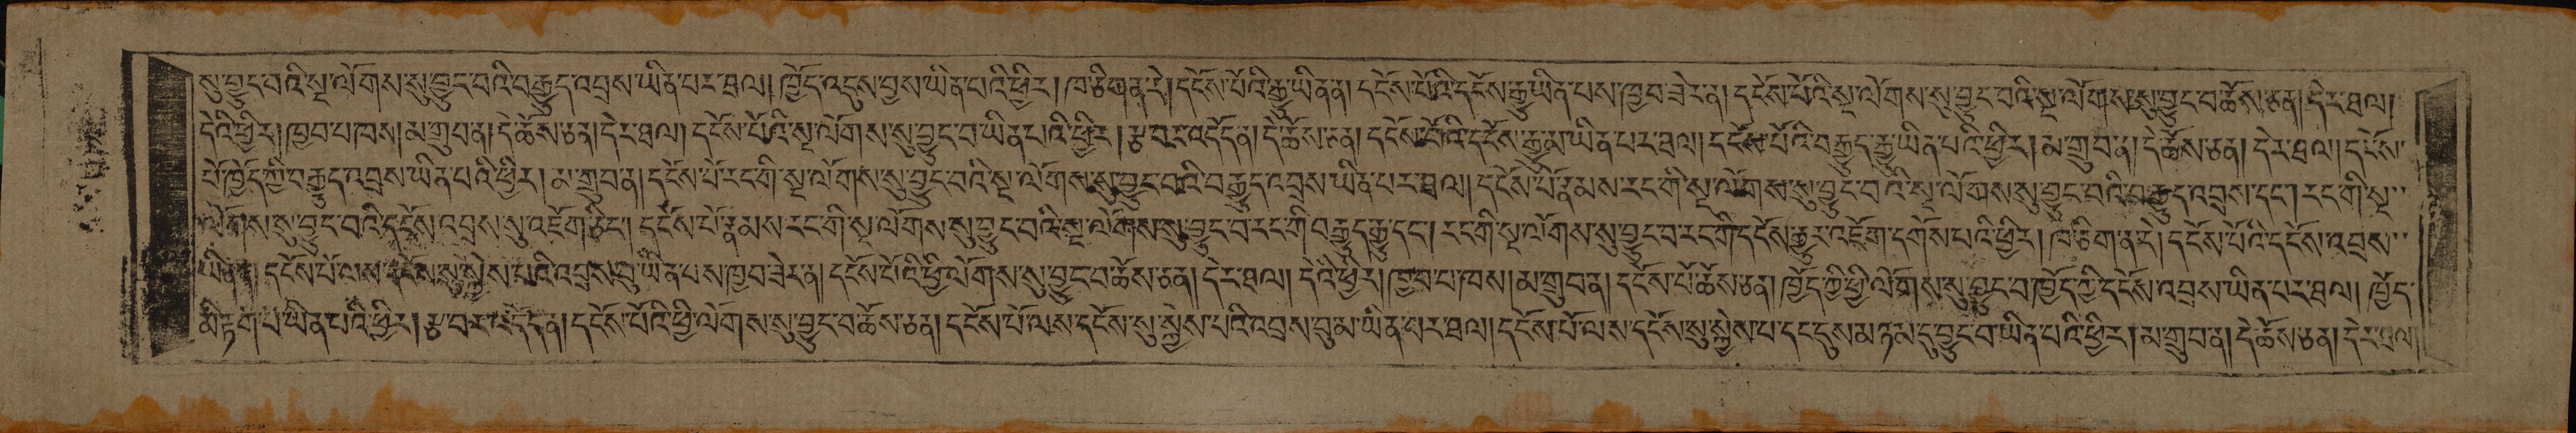སུ་བྱུང་བའི་སྔ་ལོགས་སུ་བྱུང་བའི་བརྒྱུད་འབྲས་ཡིན་པར་ཐལ། ཁྱོད་འདུས་བྱས་ཡིན་པའི་ཕྱིར། ཁ་ཅིག་ན་རེ། དངོས་པོའི་རྒྱུ་ཡིན་ན། དངོས་པོའི་དངོས་རྒྱུ་ཡིན་པས་ཁྱབ་ཟེར་ན། དངོས་པོའི་སྔ་ལོགས་སུ་བྱུང་བའི་སྔ་ལོགས་སུ་བྱུང་བ་ཆོས་ཅན། དེར་ཐལ།
དེའི་ཕྱིར། ཁྱབ་པ་ཁས། མ་གྲུབ་ན། དེ་ཆོས་ཅན། དེར་ཐལ། དངོས་པོའི་སྔ་ལོགས་སུ་བྱུང་བ་ཡིན་པའི་ཕྱིར། རྩ་བར་འདོད་ན། དེ་ཆོས་ཅན། དངོས་པོའི་དངོས་རྒྱུ་མ་ཡིན་པར་ཐལ། དངོས་པོའི་བརྒྱུད་རྒྱུ་ཡིན་པའི་ཕྱིར། མ་གྲུབ་ན། དེ་ཆོས་ཅན། དེར་ཐལ། དངོས་
པོ་ཁྱོད་ཀྱི་བརྒྱུད་འབྲས་ཡིན་པའི་ཕྱིར། མ་གྲུབ་ན། དངོས་པོ་རང་གི་སྔ་ལོགས་སུ་བྱུང་བའི་སྔ་ལོགས་སུ་བྱུང་བའི་བརྒྱུད་འབྲས་ཡིན་པར་ཐལ། དངོས་པོ་རྣམས་རང་གི་སྔ་ལོགས་སུ་བྱུང་བའི་སྔ་ལོགས་སུ་བྱུགན་བའི་བརྒྱུད་འབྲས་དང་རང་གི་སྔ་
ལོགས་སུ་བྱུང་བའི་དངོས་འབྲས་སུ་འཇོག་ཅིང་། དངོས་པོ་རྣམས་རང་གི་སྔ་ལོགས་སུ་བྱུང་བའི་སྔ་ལོགས་སུ་བྱུང་བ་རང་གི་བརྒྱུད་རྒྱུ་དང་། རང་གི་སྔ་ལོགས་སུ་བྱུང་བ་རང་གི་དངོས་རྒྱུར་འཇོག་དགོས་པའི་ཕྱིར། ཁ་ཅིག་ན་རེ། དངོས་པོའི་དངོས་འབྲས་
ཡིན་ན། དངོས་པོ་ལས་དངོས་སུ་སྐྱེས་པའི་འབྲས་བུ་ཡིན་པས་ཁྱབ་ཟེར་ན། དངོས་པོའི་ཕྱི་ལོགས་སུ་བྱུང་བ་ཆོས་ཅན། དེར་ཐལ། དེའི་ཕྱིར། ཁྱབ་པ་ཁས། མ་གྲུབ་ན། དངོས་པོ་ཆོས་ཅན། ཁྱོད་ཀྱི་ཕྱི་ལོགས་སུ་བྱུང་བ་ཁྱོད་ཀྱི་དངོས་འབྲས་ཡིན་པར་ཐལ། ཁྱོད་
མི་རྟག་པ་ཡིན་པའི་ཕྱིར། རྩ་བར་འདོད་ན། དངོས་པོའི་ཕྱི་ལོགས་སུ་བྱུང་བ་ཆོས་ཅན། དངོས་པོ་ལས་དངོས་སུ་སྐྱེས་པའི་འབྲས་བུ་མ་ཡིན་པར་ཐལ། དངོས་པོ་ལས་དངོས་སུ་སྐྱེས་པ་དང་དུས་མཉམ་དུ་བྱུང་བ་ཡིན་པའི་ཕྱིར། མ་གྲུབ་ན། དེ་ཆོས་ཅན། དེར་ཐལ།